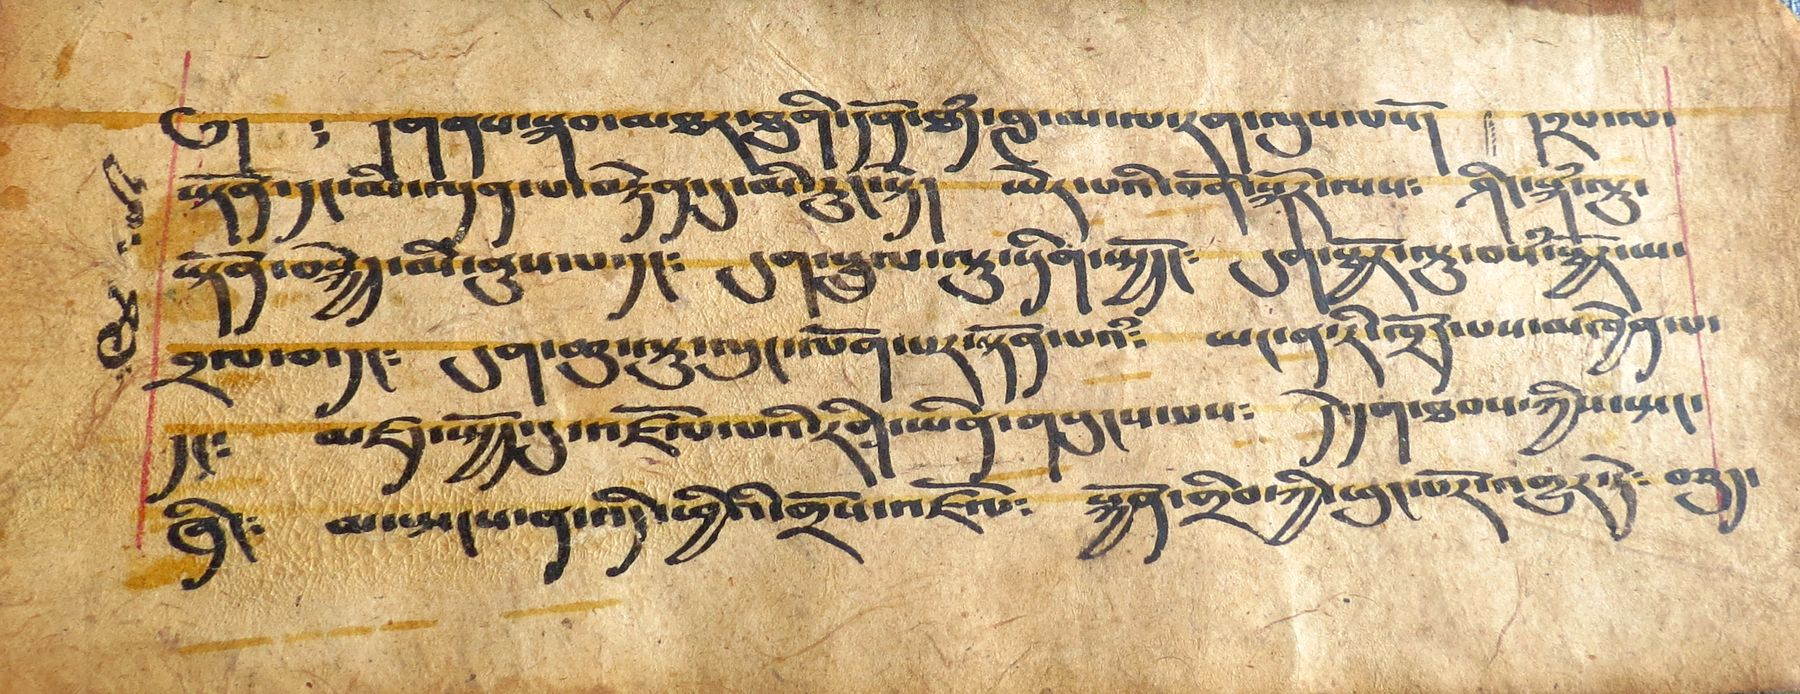གནས་སྐབས་མཐར་ཐུག་གི་དོན་ཐམས་ཅད་བླ་མ་ལ་རག་ལས་སོ། ། ༧གཉིས་པ་༼བླང་དོར༽ལ། 
ཡོན་ཏན་མི་ལྡན་པའི་བླ་མ་བསྟེན་དུ་མི་རུང་སྟེ། ཡེར་པའི་བོན་སྐོར་ནས། ཤིང་སྐམ་ལྟ་བུ་
ཡོན་ཏན་སྐྱེད་མི་ནུས་པ་དང་། དུག་སྦྲུལ་ལྟ་བུ་སྡིག་སྤྱོད་དང་། དུག་སྦྱོར་ལྟ་བུ་བསམ་སྦྱོར་ཡ་
བྲལ་བ་དང་། དུག་ཆུ་ལྟ་བུ་ལུང་ལོག་པར་སྟོན་པའོ། ། ཡང་ན་རི་ཁྲོད་པས་མཁྱེན་པ་
དང་མཛད་སྤྱོད་དུ་འཛོལ་བའི་རིགས་ཡིན་གསུངས་པས། དེ་དག་ནི་ཐབས་ཀྱིས་སྤང་
ཞིང་། མ་སྤང་ན་འདི་ཕྱིའི་གྲོས་འཛོལ། སྐྱོན་གྲིབ་ཀྱི་ཕུང་པོར་འགྱུར་ཏེ་བཅུད་